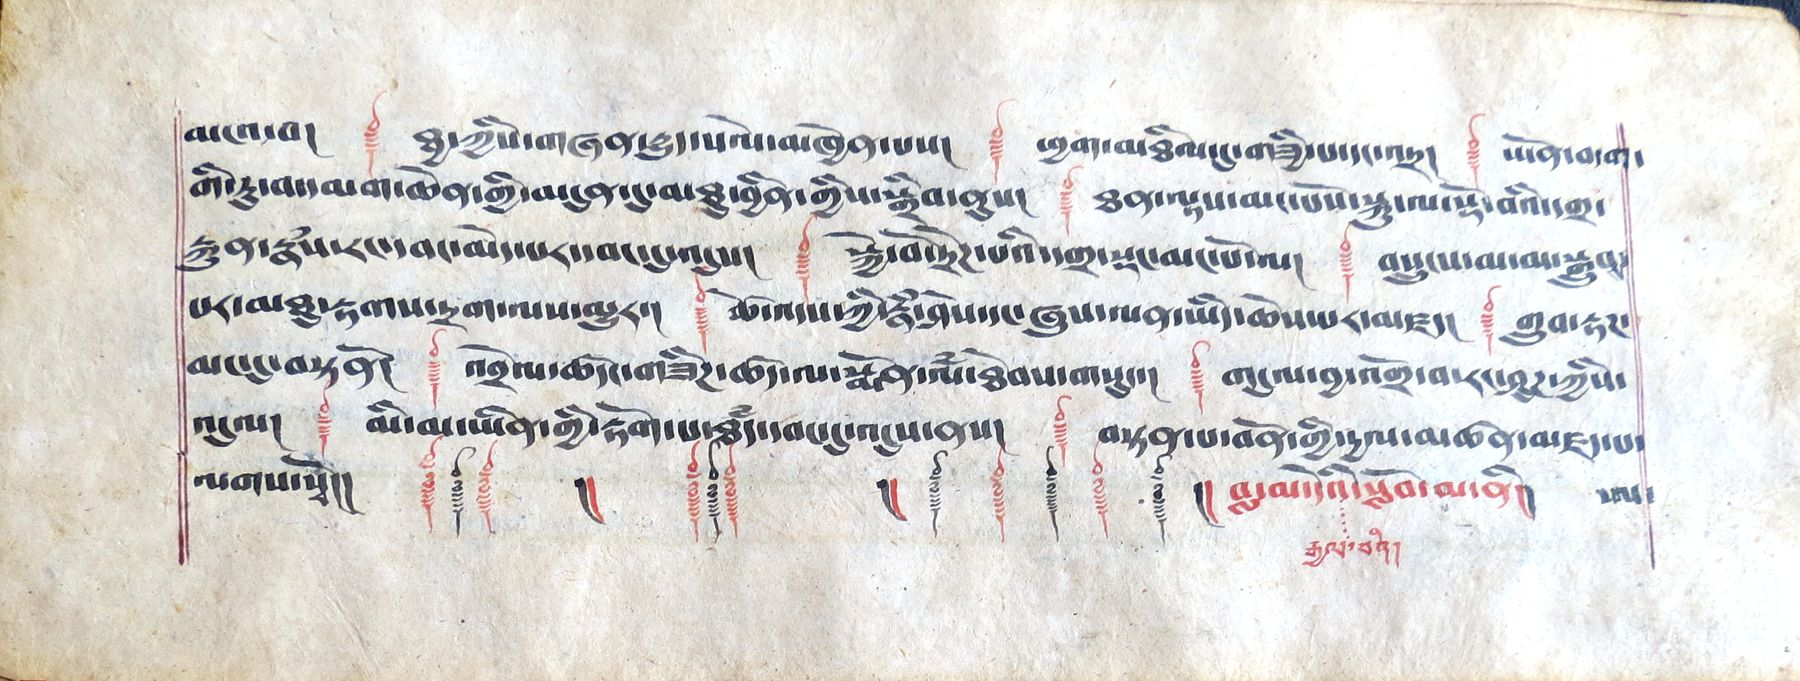མངའ་བ། ཐུགས་ཀྱིས་གཞན་རྒྱུད་སལེར་མཁྱེན་པས། ཕྱག་མཐིལ་དུ་གཟིགས་པ་དང་འདྲ། ཡོན་བདག་
གི་རུ་བ་དམག་ཆེན་ཀྱི་མདུན་དུ་མཐུ་བྱིན་གྱིས་བསྒྲིབས་ནས། ཐན་ལྟས་མང་པོས་སྐུ་ལ་བསྡོ་བའི་དགྲ་
རྐུན་རྣམས་རང་དབང་མེད་པར་དབང་དུ་འདུས། སྐྱེ་བོ་དྲེགས་པའི་དགྲ་སྡང་མང་པོ་ལ། སྲུང་མ་མ་བསྒྲུབ་
པར་མཐུ་རྟགས་དྲག་ལས་མྱུར། ཚེ་འདས་ཀྱི་རྣམ་ཤེས་དང་ཞུས་ལེན་ཡིད་ཆེས་པར་མཛད། གྲུབ་རྟགས་
མང་དུ་བསྟན་ཏོ། ། འབྲེལ་ཚད་གཟིགས་ཚད་ལ་སྨོན་ལམ་ཐེབས་གསུངས། གདུལ་བྱ་འགྲོ་བ་རང་ཤུགས་ཀྱིས་
འདུལ། མི་མ་ཡིན་གྱི་རྟོག་པ་ཐམས་ཅད་དབང་དུ་འདུས་ནས། བསྟན་པ་བོན་གྱི་རྒྱལ་མཚན་མཛད་
པ་ལགས་སོ། ། བླ་མ་དེའི་སློབ་མ་ནི། ཨ་